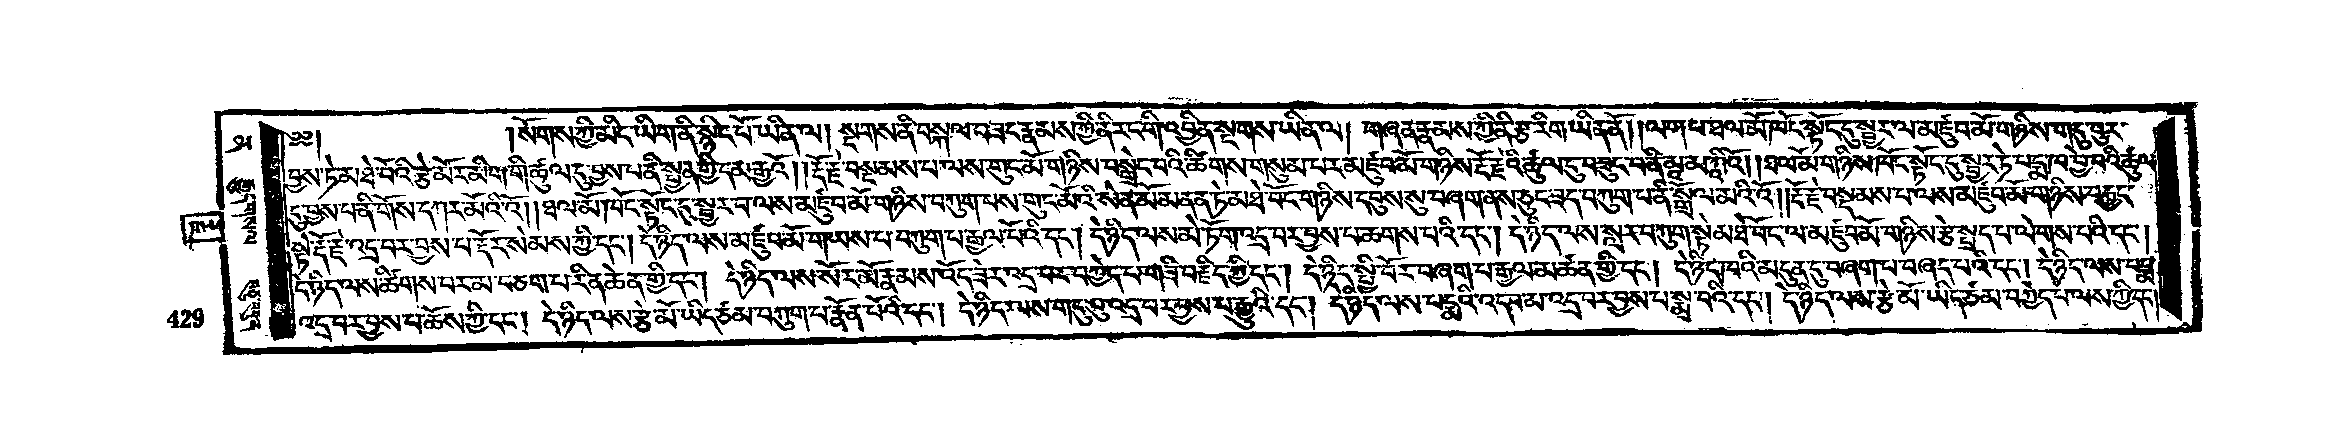༄༅། །སོགས་ཀྱི་མིང་ཡིག་ནི་སྙིང་པོ་ཡིན་ལ། སྔགས་ནི་བསྐལ་བཟང་རྣམས་ཀྱི་ནི་རང་གི་འབྱིན་སྔགས་ཡིན་ལ། གཞན་རྣམས་ཀྱི་ནི་རྩ་རིག་ཡིན་ནོ། །ལག་པ་ཐལ་མོ་ཁོང་སྟོང་དུ་སྦྱར་ལ་མཛུབ་མོ་གཉིས་གདུ་བུར་
བྱས་ཏེ་མཐེ་བོའི་རྩེ་མོར་མིག་གི་ཚུལ་དུ་བྱས་པ་ནི་སྤྱན་གྱི་དམ་རྒྱའོ། །རྡོ་རྗེ་བསྡམས་པ་ལས་གུང་མོ་གཉིས་བསྒྲེང་བའི་ཚིགས་གསུམ་པར་མཛུབ་མོ་གཉིས་རྡོ་རྗེའི་ཚུལ་དུ་བཟུང་བ་ནི་མཱ་མ་ཀཱིའོ། །ཐལ་མོ་གཉིས་ཁོང་སྟོང་དུ་སྦྱར་ཏེ་པདམ་ཁ་བྱེ་བའི་ཚུལ་
དུ་བྱས་པ་ནི་གོས་དཀར་མོའི་འོ། །ཐལ་མོ་ཁོང་སྟོང་དུ་སྦྱར་བ་ལས་མཛུབ་མོ་གཉིས་བཀུག་པས་གུང་མོའི་སེན་མོ་མནན་ཏེ་མཐེ་བོང་གཉིས་དབུས་སུ་བཞག་ནས་ཅུང་ཟད་བཀུག་པ་ནི་སྒྲོལ་མའི་འོ། །རྡོ་རྗེ་བསྡམས་པ་ལས་མཛུབ་མོ་གཉིས་བརྐྱང་
སྟེ་རྡོ་རྗེ་འདྲ་བར་བྱས་པ་རྡོར་སེམས་ཀྱི་དང་། དེ་ཉིད་ལས་མཛུབ་མོ་གཡས་པ་བཀུག་པ་རྒྱལ་པོའི་དང་། དེ་ཉིད་ལས་མེ་ཏོག་འདྲ་བར་བྱས་པ་ཆགས་པའི་དང་། དེ་ཉིད་ལས་སླར་བཀུག་སྟེ་མཐེ་བོང་ལ་མཛུབ་མོ་གཉིས་རྩེ་སྤྲད་པ་ལེགས་པའི་དང་།
དེ་ཉིད་ལས་ཚིགས་བར་མ་བཅག་པ་རིན་ཆེན་གྱི་དང་། དེ་ཉིད་ལས་སོར་མོ་རྣམས་འོད་ཟེར་འདྲ་བར་བཀྱེད་པ་གཟི་བརྗིད་ཀྱི་དང་། དེ་ཉིད་སྤྱི་བོར་བཞག་པ་རྒྱལ་མཚན་གྱི་དང་། དེ་ཉིད་ཁའི་མདུན་དུ་བཞག་པ་བཞད་པའི་དང་། དེ་ཉིད་ལས་པདམ་
འདྲ་བར་བྱས་པ་ཆོས་ཀྱི་དང་། དེ་ཉིད་ལས་རྩེ་མོ་ཡིད་ཙམ་བཀུག་པ་རྣོན་པོའི་དང་། དེ་ཉིད་ལས་གདུ་བུ་འདྲ་བར་བྱས་པ་རྒྱུའི་དང་། དེ་ཉིད་ལས་པདམའི་འདབ་མ་འདྲ་བར་བྱས་པ་སྨྲ་བའི་དང་། དེ་ཉིད་ལས་རྩེ་མོ་ཡིད་ཙམ་བཀྱེད་པ་ལས་ཀྱི་དང་།